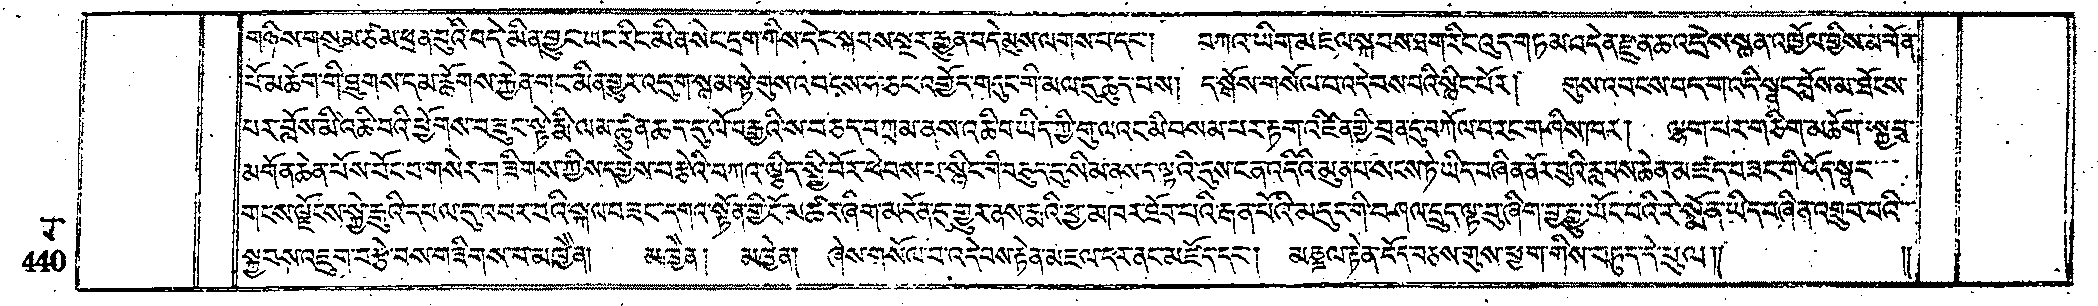གཉིས་གསུམ་ཙམ་ཕྲན་བུའི་བདེ་མིན་བྱུང་ཡང་རིང་མིན་སེང་དྲག་གིས་དེང་སྐབས་སྔར་རྒྱུན་བདེ་མུས་ལགས་པ་དང་། བཀའ་ཡིག་མཇལ་སྐབས་ཐག་རིང་འུད་གཏམ་བདེན་རྫུན་ཆ་འདྲེས་སྙན་འཁྱོལ་གྱིས་མགོན་
པོ་མཆོག་གི་ཐུགས་དམ་རྙོགས་རྐྱེན་གང་མིན་གྱུར་འདུག་སྙམ་སྟེ་གུས་འབངས་ཧ་ཅང་འགྱོད་གདུང་གི་མལ་དུ་ཆུད་པས། ད་སྒོས་གསོལ་བ་འདེབས་པའི་སྙིང་པོར། གུས་འབངས་བདག་འདི་སྣང་བློས་མ་ཐོངས་
པར་བློས་མི་འཆི་བའི་ཕྱོགས་བཟུང་སྟེ་རྨི་ལམ་ཚུན་ཆད་དུ་ལོ་བརྒྱའི་ས་བཅད་བཀྲམ་ནས་འཆི་བ་ཡིད་ཀྱི་གུ་ལའང་མི་བསམ་པར་རྟག་འཛིན་གྱི་བྲན་དུ་བཀོལ་བ་རང་གཤིས་ཁར། ལྷག་པར་གཅིག་སྨྖོག ༧སྐྱབས་
མགོན་ཆེན་པོས་བོང་བ་གསེར་གཟིགས་ཀྱིས་དགྱེས་བརྩེའི་བཀའ་ལྕིད་སྤྱི་བོར་ཕེབས་པ་སྙིང་གི་བཅུད་དུ་སེམ་ནས་ད་ལྟའི་དུས་ངན་འདིའི་མུན་པ་སངས་ཏེ་ཡིད་བཞིན་ནོར་བུའི་རླབས་ཆེན་མཛད་བཟང་གི་འོད་སྣང་་་
གངས་ལྗོངས་སྐྱེ་རྒུའི་དཔལ་དུ་འབར་བའི་སྐལ་བཟང་དགའ་སྟོན་གྱི་ངོ་མཚར་ཞིག་མངོན་དུ་གྱུར་ནས་རྨའི་ཕྱ་མཁར་ཐོབ་པའི་རྒན་པོའི་མདུང་གི་བཤལ་དྲུད་ལྟ་བུ་ཞིག་བྱ་རྒྱུ་ཡོང་བའི་རེ་སྨོན་ཡིད་བཞིན་འགྲུབ་པའི་་་
སྐྱབས་འཇུག་བརྩེ་བས་གཟིགས་པ་མཁྱཻན། མཁྱཻན། མཁྱེན། ཞེས་གསོལ་བ་འདེབས་རྟེན་མཇལ་དར་ནང་མཛོད་དང་། མཎྡལ་རྟེན་དོད་བཅས་གུས་ཕྱག་གིས་བཏུད་དེ་ཕུལ།། །།